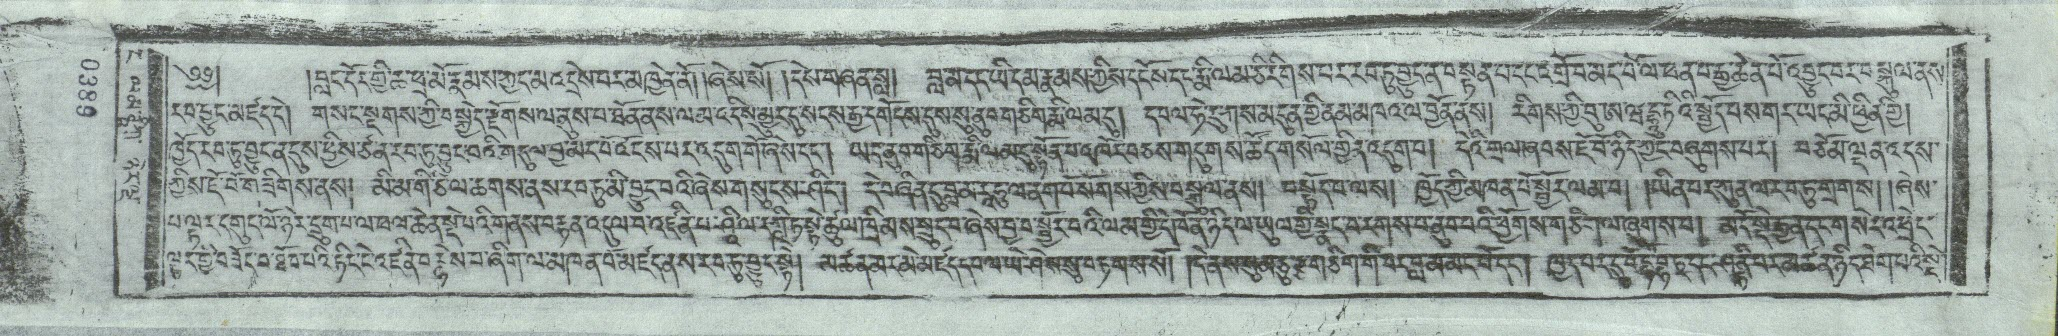༄༅། །བླང་དོར་གྱི་ཆ་ཕྲ་མོ་རྣམས་ཀྱང་མ་འདྲེས་པར་མཁྱེན་ནོ། །ཞེས་སོ། །དེས་གཞན་སླ། བླ་མ་དང་ཡི་དམ་རྣམས་ཀྱིས་དངོས་དང་རྨི་ལམ་ཅི་རིགས་པར་རབ་ཏུ་བྱུང་ན་བསྟན་པ་དང་འགྲོ་བ་མང་པོ་ལ་ཕན་པ་རྒྱ་ཆེན་པོ་འབྱུང་བར་བསྐུལ་ནས་
རབ་བྱུང་མཛད་དེ། གསང་སྔགས་ཀྱི་བསྐྱེད་རྫོགས་ལ་ནུས་པ་ཐོན་ནས་ལམ་འདིས་མྱུར་དུ་སངས་རྒྱ་དགོངས་དུས་སུ་ནུབ་གཅིག་རྨི་ལམ་དུ། དཔལ་ཧེ་རུ་ཀས་མདུན་གྱི་ནམ་མཁའ་ལ་བྱོན་ནས། རིགས་ཀྱི་བུ་ཨ་ཝདྷཱུ་ཏིའི་སྤྱོད་བས་གར་ཡད་མི་ཕྱིན་གྱི།
ཁྱོད་རབ་ཏུ་བྱུང་ན་དུས་ཕྱིས་ཙན་རབ་ཏུ་བྱུང་བའི་གདུལ་བྱ་མང་པོ་འོངས་པར་འདུག་གོ་ཞེས་དང་། ཡང་ནུབ་གཅིག་རྨི་ལམ་དུ་སྟོན་པ་འཁོར་བཅས་གདུགས་ཚོད་གསོལ་གྱིན་འདུག་པ། དེའི་གྲལ་ཞབས་ཇོ་བོ་ཉིད་ཀྱང་བཞུགས་པར། བཅོམ་ལྡན་འདས་
ཀྱིས་ཇོ་བོ་གཟིགས་ནས། མི་མ་གི་ཙལ་ཆགས་ནས་རབ་ཏུ་མི་བྱུང་བའི་ཞེས་གསུངས་ཤིང་། དེ་བཞིན་དུ་བླ་མ་རཱ་ཧུ་ལ་ནག་པོ་སོགས་ཀྱིས་བསྐུལ་ནས། བསྟོད་པ་ལས། ཁྱོད་ཀྱི་མཁན་པོ་སྦྱོར་ལམ་པ། །ཡིན་པར་ཀུན་ལ་རབ་ཏུ་གྲགས། །ཞེས་
པ་ལྟར་དགུད་ལོ་ཉེར་དྲུག་པ་ལ་ཕལ་ཆེན་སྡེ་པའི་གནས་བརྟན་འདུལ་བ་འཛིན་པ་ཤཱི་ལ་རཀྵི་ཏ་སྟེ་ཚུལ་ཁྲིམས་སྲུང་བ་ཞེས་བྱ་བ་སྦྱོར་བའི་ལམ་གྱི་དེ་ཁོ་ན་ཉིད་ལ་ཡུལ་གྱི་སྣང་བ་རགས་པ་ནུབ་པའི་ཕྱོགས་གཅིག་ལ་ཞུགས་པ། མདོ་སྡེ་རྒྱན་དང་གསེར་འཕྲེང་
ལྟར་གྱི་བཟོད་པའི་ཏིང་ངེ་འཛིན་བརྙེས་པ་ཞིག་ལ་མཁན་པོ་མཛད་ནས་རབ་ཏུ་བྱུང་སྟེ། མཚན་མར་མེ་མཛད་དཔལ་ཡེ་ཤེས་སུ་བཏགས་སོ། །དེ་ནས་སུམ་ཅུ་རྩ་གཅིག་གི་བར་བླ་མ་མང་པོ་དང་། ཁྱད་པར་དུ་བོདྷ་བྷ་ཏྲ་དང་ཤིནྟ་པར་མཚན་ཉིད་ཐེག་པའི་སྡེ་